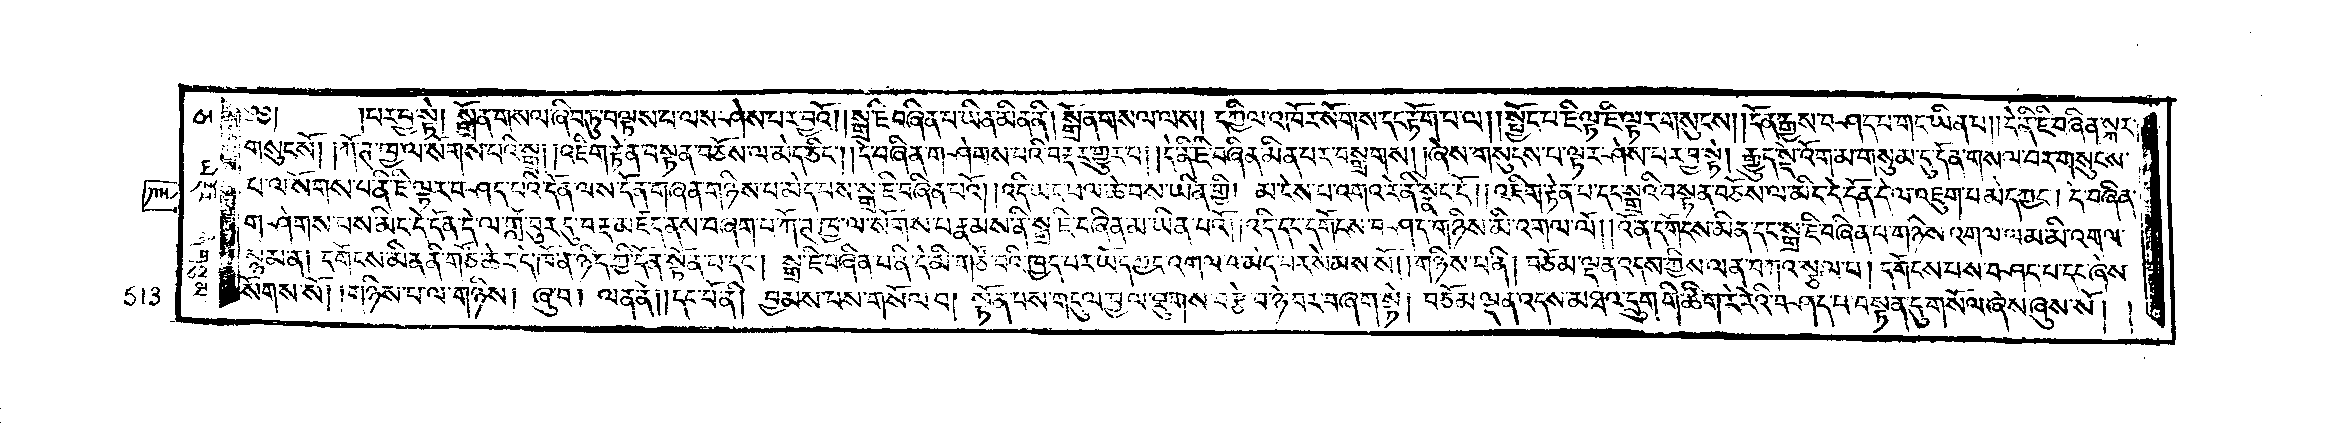༄༅། །པར་བྱ་སྟེ། སྒྲོན་གསལ་ཞིབ་ཏུ་བལྟས་པ་ལས་ཤེས་པར་བྱའོ། །སྒྲ་ཇི་བཞིན་པ་ཡིན་མིན་ནི། སྒྲོན་གསལ་ལས། དཀྱིལ་འཁོར་སོགས་དང་རྟོག་པ་ལ། །སྤྱོད་པ་ཇི་ལྟ་ཇི་ལྟར་གསུངས། །དོན་རྒྱས་བཤད་པ་གང་ཡིན་པ། །དེ་ནི་ཇི་བཞིན་སྒྲར་
གསུངས་སོ། །ཀོ་ཊ་ཁྱ་ལ་སོགས་པའི་སྒྲ། །འཇིག་རྟེན་བསྟན་བཅོས་ལ་མེད་ཅིང་། །དེ་བཞིན་གཤེགས་པའི་བརྡར་གྱུར་པ། །དེ་ནི་ཇི་བཞིན་མིན་པར་བསྒྲགས། །ཞེས་གསུངས་པ་ལྟར་ཤེས་པར་བྱ་སྟེ། རྒྱུད་སྡེ་འོག་མ་གསུམ་དུ་དོན་གསལ་བར་གསུངས་
པ་ལ་སོགས་པ་ནི་ཇི་ལྟར་བཤད་པའི་དོན་ལས་དོན་གཞན་གཉིས་པ་མེད་པས་སྒྲ་ཇི་བཞིན་པའོ། །འདི་ཡང་ཕལ་ཆེ་བས་ཡིན་གྱི། མ་ངེས་པ་འགའ་རེ་ནི་སྣང་ངོ། །འཇིག་རྟེན་པ་དང་སྒྲའི་བསྟན་བཅོས་ལ་མིང་དེ་དོན་དེ་ལ་འཇུག་པ་མེད་ཀྱང་། དེ་བཞིན་
གཤེགས་པས་མིང་དེ་དོན་དེ་ལ་གློ་བུར་དུ་བརྡ་མཛད་ནས་བཞག་པ་ཀོ་ཊ་ཁྱ་ལ་སོགས་པ་རྣམས་ནི་སྒྲ་ཇི་བཞིན་མ་ཡིན་པའོ། །འདི་དང་དགོངས་བཤད་གཉིས་མི་འགལ་ལོ། །འོ་ན་དགོངས་མིན་དང་སྒྲ་ཇི་བཞིན་པ་གཉིས་འགལ་ལམ་མི་འགལ་
སྙམ་ན། དགོངས་མིན་ནི་གཙོ་ཆེར་དེ་ཁོ་ན་ཉིད་ཀྱི་དོན་སྟོན་པ་དང་། སྒྲ་ཇི་བཞིན་པ་ནི་དེ་མི་གཙོ་བའི་ཁྱད་པར་ཡོད་ཀྱང་འགལ་བ་མེད་པར་སེམས་སོ། །གཉིས་པ་ནི། བཅོམ་ལྡན་འདས་ཀྱིས་ལན་བཀའ་སྩལ་པ། དགོངས་པས་བཤད་པ་དང་ཞེས་
སོགས་སོ། །གཉིས་པ་ལ་གཉིས། ཞུ་བ། ལན་ནོ། །དང་པོ་ནི། བྱམས་པས་གསོལ་པ། སྟོན་པས་གདུལ་བྱ་ལ་ཐུགས་བརྩེ་བ་ཉེ་བར་བཞག་སྟེ། བཅོམ་ལྡན་འདས་མཐའ་དྲུག་གི་ཚིག་རེ་རེའི་བཤད་པ་བསྟན་དུ་གསོལ་ཞེས་ཞུས་སོ། །